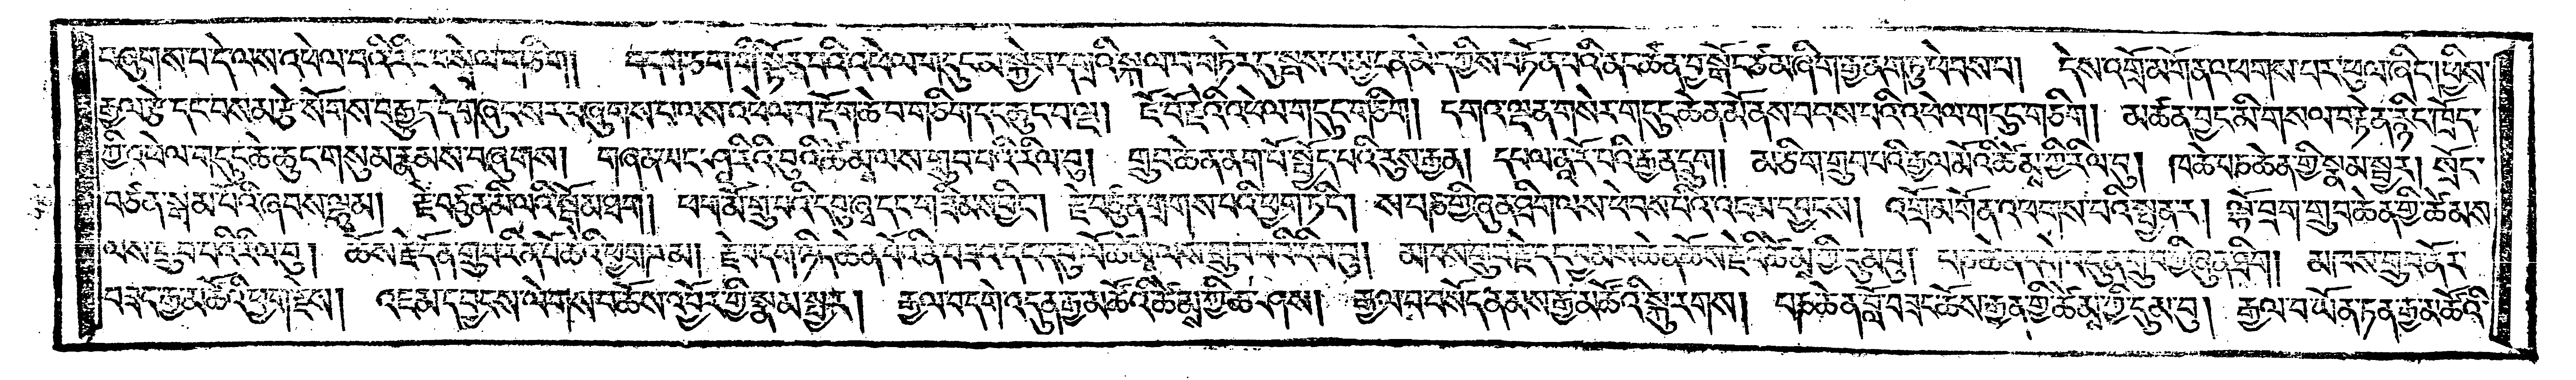བཞུགས་བ་དེ་ལས་འཕེལ་བའི་རིང་བསྲེལ་གཅིག། བདག་ཅག་གི་སྟོན་པའི་འཕེལ་གདུང་མ་སྐྱེས་དགྲའི་སྐལ་བ་གཏེར་དུ་སྦས་པ་མྱ་ངན་མེད་ཀྱིས་བཏོན་པའི་ནང་ཚན་བྱ་སྒོང་ཙམ་ཞིག་རྒྱ་ནག་ཏུ་ཕེབས་པ། དེས་འགྲོ་མགོན་འཕགས་བར་ཕུལ་ཞིང་། ཕྱིས་
རྒྱལ་རྩེ་དང་བསམ་རྩེ་སོགས་བརྒྱུད་དེ་གཞུང་སར་བཞུགས་པ་ལས་འཕེལ་བ་རྡོག་ཆེ་བ་གཅིག་དང་ཆུང་བ་ལྔ། ཇོ་བོ་རྗེའི་འཕེལ་གདུང་གཅིག། དགའ་ལྡན་གསེར་གདུང་ཆེན་མོ་ནས་བབས་པའི་འཕེལ་གདུང་གཅིག། མཚན་བྱང་མི་གསལ་བརྟེན་རྙིང་ཁྲོད་
ཀྱི་འཕེལ་གདུང་ཆེ་ཆུང་གསུམ་རྣམས་བཞུགས། གཞན་ཡང་ཤཱ་རིའི་བུའི་ཚེམས་ལས་གྲུབ་པའི་རིལ་བུ། གྲུབ་ཆེན་ནག་པོ་སྤྱོད་པའི་རུས་རྒྱན། དཔལ་ནཱ་རོ་བའི་རྒྱན་དྲུག། མ་ཅིག་གྲུབ་པའི་རྒྱལ་མོའི་ཚེམས་ཀྱི་རིལ་དུ། ཁ་ཆེ་པཎ་ཆེན་གྱི་སྣམ་སྦྱར། སྲོང་
བཙན་སྒམ་པོའི་ཞབས་ལྷྭམ། རྗེ་བཙུན་མི་ལའི་སྒོམ་ཐག། ཕག་མོ་གྲུ་བའི་དབུ་ཞྭ་དང་གཟིམས་ཕྱིང་། རྗེ་བཙུན་གྲགས་པའི་ཕྱག་ཏིང་། ས་པཎ་གྱི་ཞུན་ཐིག་ལས་ཕེབས་པའི་འཇམ་དབྱངས། འགྲོ་མགོན་འཕགས་པའི་སྤྱན་ར། ལྷོ་བྲག་གྲུབ་ཆེན་གྱི་ཚེམས་
ལས་གྲུབ་པའི་རིལ་བུ། ཆོས་རྗེ་དོན་གྲུབ་རིན་པོ་ཆེའི་ཕྱག་ཌ་མ། རྗེ་བདག་ཉིད་ཆེན་པོའི་ནི་བཟའ་དང་དབུ་ལོ་ཚེམས་ལས་གྲུབ་པའི་རིལ་བུ། མཁས་གྲུབ་རྗེ་དང་བྱམས་ཆེན་ཆོས་རྗེའི་ཚེམས་ཀྱི་དུམ་བུ། པཎ་ཆེན་དགེ་འདུན་གྲུབ་ཀྱི་ཞུན་ཐིག། མཁས་གྲུབ་ནོར་
བཟང་རྒྱ་མཚོའི་ཕྱག་རྗེས། འཇམ་དབྱངས་ལེགས་པ་ཆོས་འབྱོར་གྱི་སྣམ་སྦྱར། རྒྱལ་བ་དགེ་འདུན་རྒྱ་མཚོའི་ཚེམས་ཀྱི་ཆ་ཤས། རྒྱལ་བ་བསོད་ནམས་རྒྱ་མཚོའི་སྐུ་རགས། པཎ་ཆེན་བློ་བཟང་ཆོས་རྒྱན་གྱི་ཚེམས་ཀྱི་དུམ་བུ། རྒྱལ་བ་ཡོན་ཏན་རྒྱ་མཚོའི་